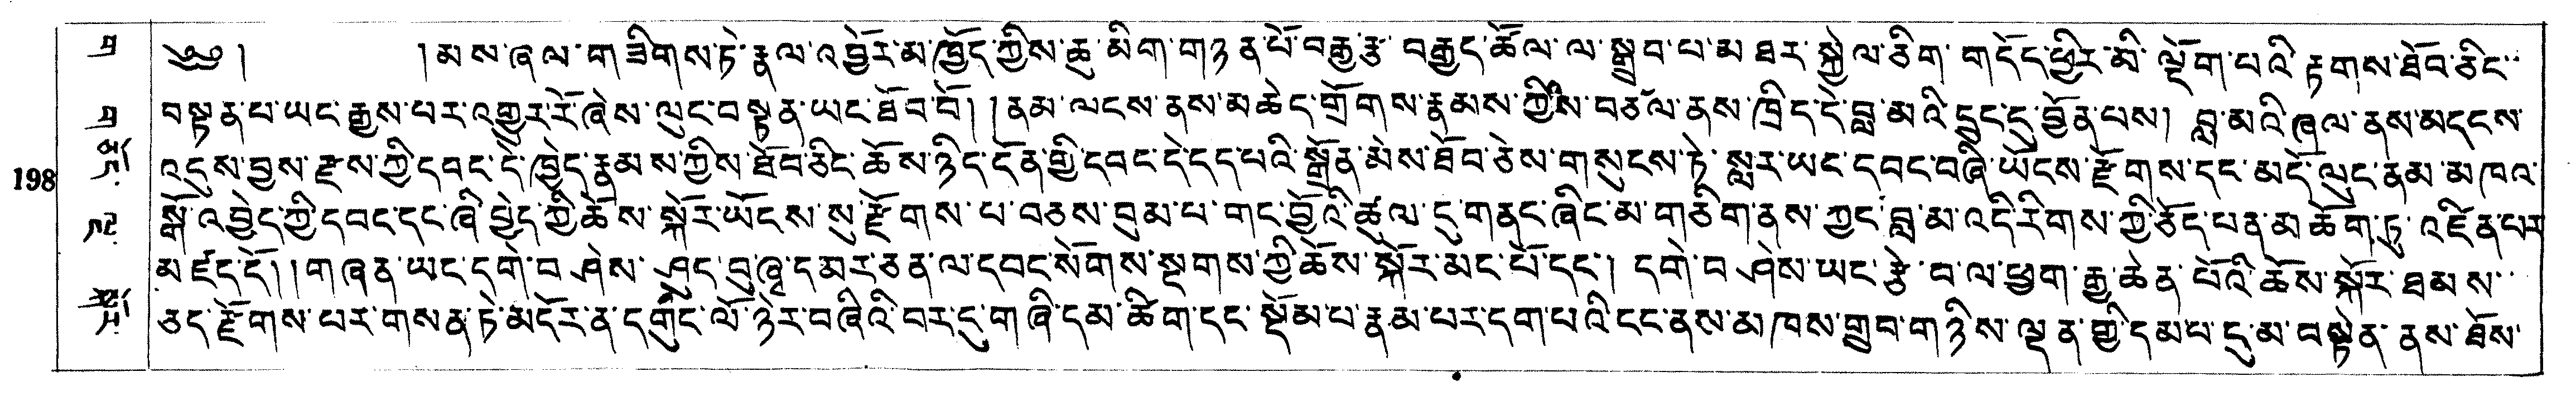༄༅། །མས་ཞལ་གཟིགས་ཏེ་རྣལ་འབྱོར་མ་ཁྱོད་ཀྱིས་ཆུ་མིག་གཉན་པོ་བརྒྱ་རྩ་བརྒྱད་ཚོལ་ལ་སྒྲུབ་པ་མཐར་སྐྱེལ་ཅིག་གདོད་ཕྱིར་མི་ལྡོག་པའི་རྟགས་ཐོབ་ཅིང་
བསྟན་པ་ཡང་རྒྱས་པར་འགྱུར་རོ་ཞེས་ལུང་བསྟན་ཡང་ཐོབ་བོ། །ནམ་ལངས་ནས་མཆེད་གྲོགས་རྣམས་ཀྱི་སཾ་བཙལ་ནས་ཁྲིད་དེ་བླ་མའི་དྲུང་དུ་བྱོན་པས། བླ་མའི་ཞལ་ནས་མདངས་
འདུས་བྱས་རྫས་ཀྱི་དབང་དེ་ཁྱེད་རྣམས་ཀྱིས་ཐོབ་ཅིང་ཆོས་ཉིད་དོན་གྱི་དབང་དེ་དད་པའི་སྒྲོན་མེས་ཐོབ་ཅེས་གསུངས་ཏེ་སླར་ཡང་དབང་བཞི་ཡོངས་རྫོགས་དང་མདོ་ལུང་ནམ་མཁའ་
སྒོ་འབྱེད་ཀྱི་དབང་དང་ཞི་བྱེད་ཀྱི་ཆོས་སྐོར་ཡོངས་སུ་རྫོགས་པ་བཅས་བུམ་པ་གང་བྱོའི་ཚུལ་དུ་གནང་ཞིང་མ་གཅིག་ནས་ཀྱང་བླ་མ་འདི་རིགས་ཀྱི་ཅོད་པན་མཆོག་ཏུ་འཛིན་པར་
མཛད་དོ། །གཞན་ཡང་དགེ་བཤེས་ཤུད་བུ་ཞྭ་དམར་ཅན་ལ་དབང་སོགས་སྔགས་ཀྱི་ཆོས་སྐོར་མང་པོ་དང་། དགེ་བཤེས་ཡང་རྩེ་བ་ལ་ཕྱག་རྒྱ་ཆེན་པོའི་ཆོས་སྐོར་ཐམས་
ཅད་རྫོགས་པར་གསན་ཏེ་མདོར་ན་དགུང་ལོ་ཉེར་བཞིའི་བར་དུ་གཞི་དམ་ཚིག་དང་སྡོམ་པ་རྣམ་པར་དག་པའི་ངང་ནས་མཁས་གྲུབ་གཉིས་ལྡན་གྱི་དམ་པ་དུ་མ་བསྟེན་ནས་ཐོས་